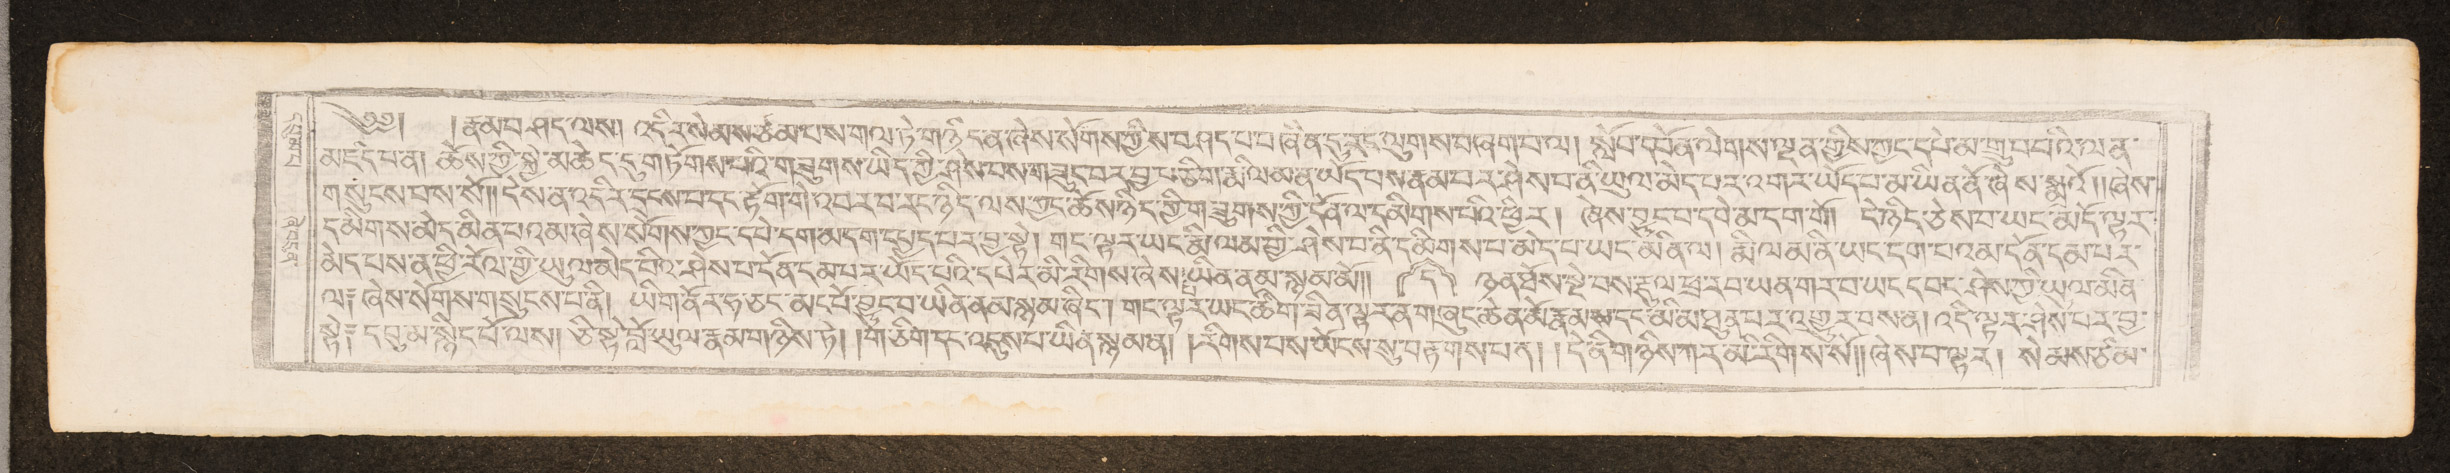༄༅། །རྣམ་བཤད་ལས། འདིར་སེམས་ཙམ་པས་གལ་ཏེ་གཉིད་ན་ཞེས་སོགས་ཀྱིས་བཤད་པ་བཞིན་དུ་རང་ལུགས་བཞག་པ་ལ། སློབ་དཔོན་ལེགས་ལྡན་གྱིས་ཀྱང་དཔེ་མ་གྲུབ་པའི་ལན་
མཛད་པ་ན། ཆོས་ཀྱི་སྐྱེ་མཆེད་དུ་གཏོགས་པའི་གཟུགས་ཡིད་ཀྱི་ཤེས་པས་གཟུང་བར་བྱ་བ་ཅིག་རྨི་ལམ་ན་ཡོད་པས་རྣམ་པར་ཤེས་པ་ནི་ཡུལ་མེད་པར་འགར་ཡོད་པ་མ་ཡིན་ནོ་ཞེས་སྨྲའོ། །ཞེས་
གསུངས་པས་སོ།། དེས་ན་འདིར་དྲངས་པ་དང་རྟོག་གེ་འབར་བ་རང་ཉིད་ལས་ཀྱང་ཆོས་ཉིད་ཀྱི་གཟུགས་ཀྱི་དོན་ལ་དམིགས་པའི་ཕྱིར། ཞེས་བྱུང་བ་དཔེ་མ་དག་གོ། དེ་ཉིད་ཅེས་པ་ཡང་མདོ་ལྟར་
དམིགས་མེད་མིན་པའམ་ཞེས་སོགས་ཀྱང་དཔེ་དག་མ་དག་དཔྱད་པར་བྱ་སྟེ། གང་ལྟར་ཡང་རྨི་ལམ་གྱི་ཤེས་པ་ནི་དམིགས་པ་མེད་པ་ཡང་མིན་ལ། རྨི་ལམ་ནི་ཡང་དག་པའམ་དོན་དམ་པར་
མེད་པས་ན་ཕྱི་རོལ་གྱི་ཡུལ་མེད་པའི་ཤེས་པ་དོན་དམ་པར་ཡོད་པའི་དཔེར་མི་རིགས་ཞེས་པ་ཡིན་ནམ་སྙམ་མོ།། ༼༽ད༼༽ ཉན་ཐོས་སྡེ་བས་རྡུལ་ཕྲ་རབ་ཡན་གར་བ་ཡང་དབང་ཤེས་ཀྱི་ཡུལ་མིན་
ལ༑ ཞེས་སོགས་གསུངས་པ་ནི། ཡིག་ནོར་ཧ་ཅང་མང་པོ་བྱུང་བ་ཡིན་ནམ་སྙམ་ཞིང་། གང་ལྟར་ཡང་ཚིག་ཟིན་ལྟ་ན་གཞུང་ཆེན་མོ་རྣམས་དང་མི་མཐུན་པར་འགྱུར་བས་ན། འདི་ལྟར་ཤེས་པར་བྱ་
སྟེ༑ དབུ་མ་སྙིང་པོ་ལས། ཅི་སྟེ་བློ་ཡུལ་རྣམ་གཉིས་ཏེ། །གཅིག་དང་འདུས་པ་ཡིན་སྙམ་ན། །རིགས་པས་ཡོངས་སུ་བརྟགས་པ་ན། །དེ་ནི་གཉིས་ཀར་མི་རིགས་སོ།། ཞེས་པ་ལྟར། སེམས་ཙམ་